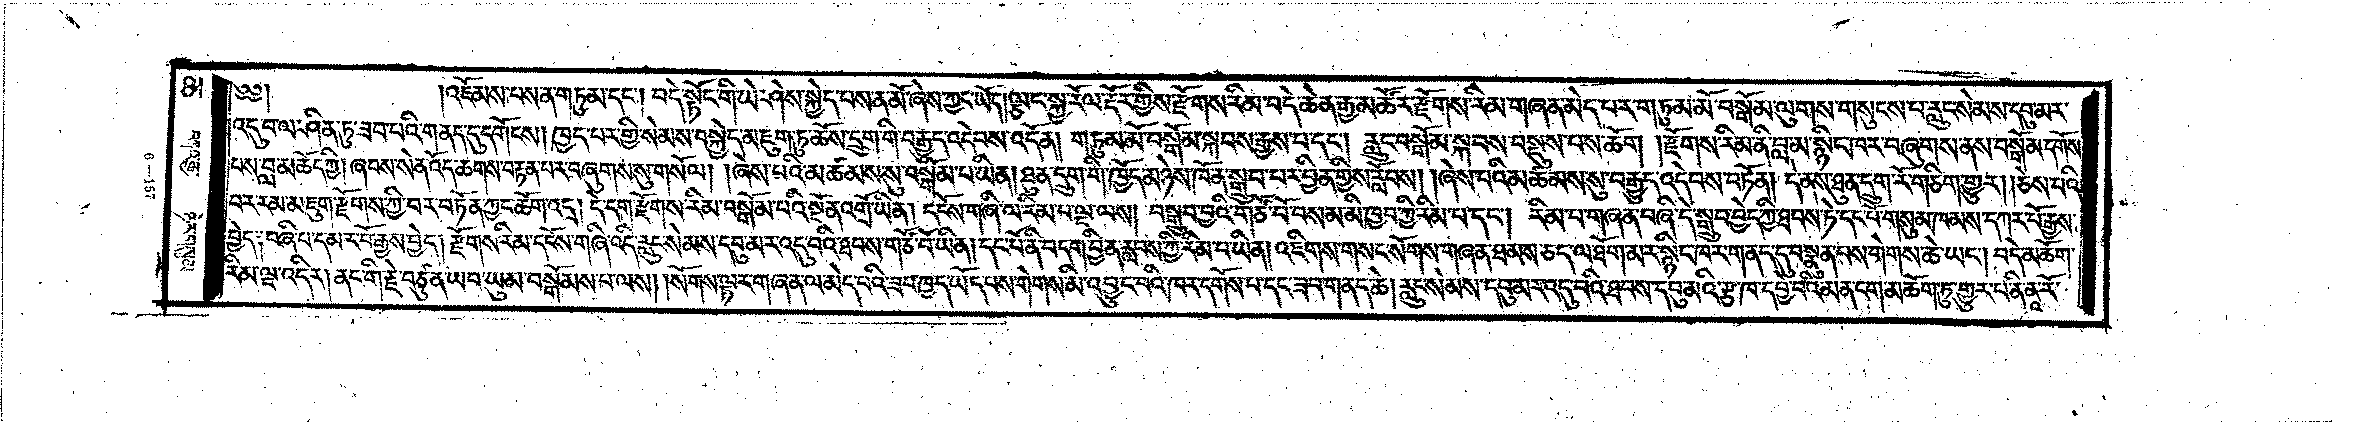༄༅། །འཇོམས་པས་ན་གཏུམ་དང་། བདེ་སྟོང་གི་ཡེ་ཤེས་སྐྱེད་པས་ན་མོ་ཞེས་ཀྱང་ཡོད། ལྕང་སྐྱ་རོལ་རྡོར་གྱིས་རྫོགས་རིམ་བདེ་ཆེན་རྒྱ་མཚོར་རྫོགས་རིམ་གཞན་མེད་པར་གཏུམ་མོ་བསྒོམ་ལུགས་གསུངས་པ་རླུང་སེམས་དབུ་མར་
འདུ་བ་ལ་ཤིན་ཏུ་ཟབ་པའི་གནད་དུ་དགོངས། ཁྱད་པར་གྱི་སེམས་བསྐྱེད་མཇུག་ཏུ་ཆོས་དྲུག་གི་བརྒྱུད་འདེབས་འདོན། གཏུམ་མོ་བསྒོམ་སྐབས་རྒྱས་པ་དང་། རླུང་བསྒོམ་སྐབས་བསྡུས་བས་ཆོག །རྫོགས་རིམ་ནི་བླ་མ་སྙིང་ཁར་བཞུགས་ནས་བསྒོམ་དགོས་
པས་བླ་མཆོད་ཀྱི། ཞབས་སེན་འོད་ཆགས་བརྟན་པར་བཞུགས་སུ་གསོལ། །ཞེས་པའི་མཚམས་སུ་བསྒོམ་པ་ཡིན། ཐུན་དྲུག་གི་ཁྱོད་མཉེས་ཁོ་ན་སྒྲུབ་པར་བྱིན་གྱིས་རློབས། །ཞེས་པའི་མཚམས་སུ་བརྒྱུད་འདེབས་བཏོན། དེ་ནས་ཐུན་དྲུག་རོ་གཅིག་གྱུར། །ཅེས་པའི་
བར་རམ་མཇུག་རྫོགས་ཀྱི་བར་བཏོན་ཀྱང་ཆོག་འདྲ། དེ་དག་རྫོགས་རིམ་བསྒོམ་པའི་སྔོན་འགྲོ་ཡིན། དངོས་གཞི་ལ་རིམ་པ་ལྔ་ལས། བསྒྲུབ་བྱའི་གཙོ་བོ་བསམ་མི་ཁྱབ་ཀྱི་རིམ་པ་དང་། རིམ་པ་གཞན་བཞི་དེ་སྒྲུབ་བྱེད་ཀྱི་ཐབས་ཏེ་དང་པོ་གསུམ་ཁམས་དཀར་པོ་རྒྱས་
བྱེད༑ བཞི་པ་དམར་པོ་རྒྱས་བྱེད། རྫོགས་རིམ་དངོས་གཞི་འདི་རླུང་སེམས་དབུ་མར་འདུ་བའི་ཐབས་གཙོ་བོ་ཡིན། དང་པོ་ནི་བདག་བྱིན་རླབས་ཀྱི་རིམ་པ་ཡིན། འཇིགས་གསང་སོགས་གཞན་ཐམས་ཅད་ཐོག་མར་སྙིང་ཁར་གནད་དུ་བསྣུན་པས་གེགས་ཆེ་ཡང་། བདེ་མཆོག་
རིམ་ལྔ་འདིར། ནང་གི་རྗེ་བཙུན་ཡབ་ཡུམ་བསྒོམས་པ་ལས། །སོགས་ལྟར་གཞན་ལ་མེད་པའི་ཟ་འཁྱད་ཡོད་པས་གེགས་མི་འབྱུང་བའི་ཁར་དགོས་པ་དང་ཟབ་གནད་ཆེ། རླུང་སེམས་དབུ་མར་འདུ་བའི་ཐབས་དབུ་མའི་རྩ་ཁ་དབྱེ་བའི་མན་ངག་མཆོག་ཏུ་གྱུར་པ་ནི་ནཱ་རོ་